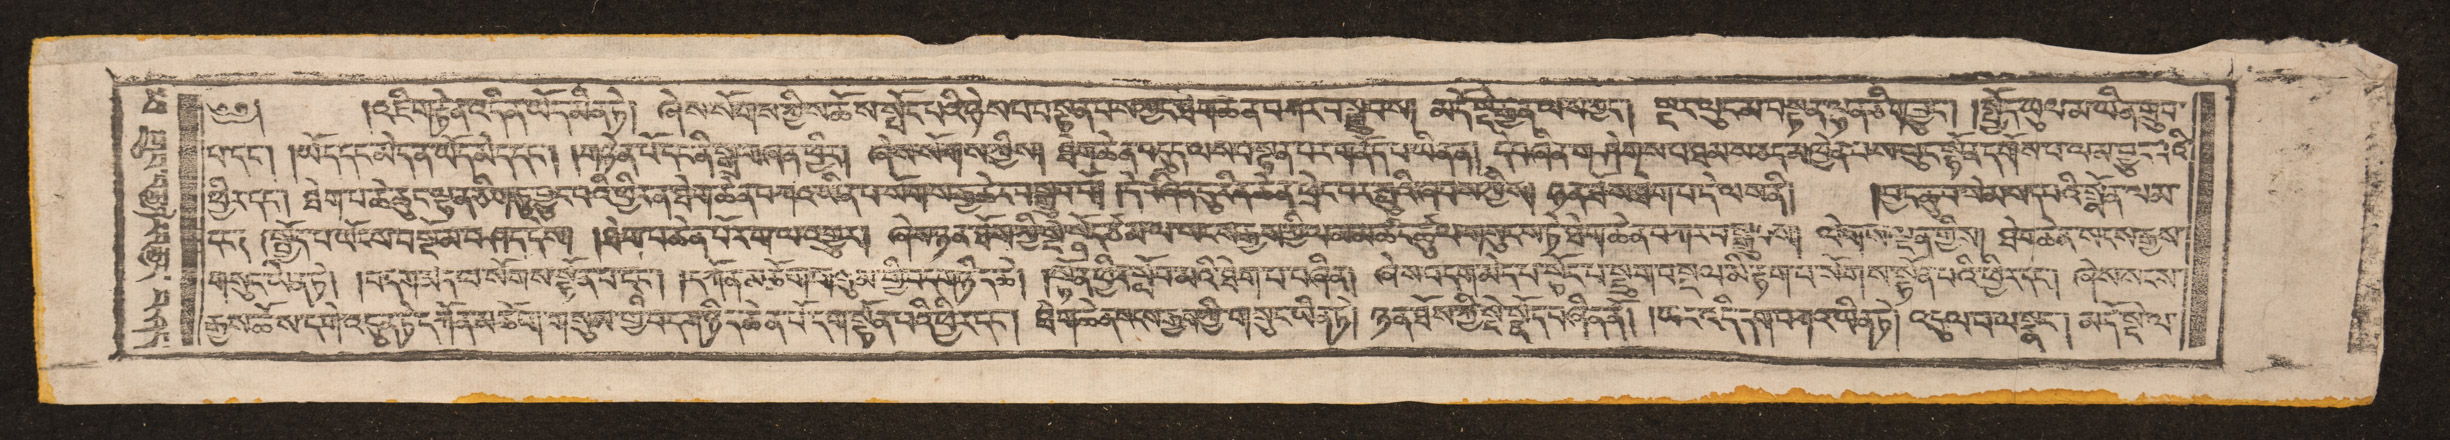༄༅། །འཇིག་རྟེན་འདི་ན་ཡོད་མིན་ཏེ། ཞེས་སོགས་ཀྱིས་ཆོས་སྤོང་པའི་ཉེས་པ་བསྟན་པས་ཀྱང་ཐེག་ཆེན་བཀར་བསྒྲུབས། མདོ་སྡེ་རྒྱན་ལས་ཀྱང་། སྔར་ལུང་མ་བསྟན་ལྷན་ཅིག་བྱུང་། །སྤྱོད་ཡུལ་མ་ཡིན་གྲུབ་
པ་དང་། །ཡོད་དང་མེད་ན་ཡོད་མེད་དང་། །གཉེན་པོ་དང་ནི་སྒྲ་གཞན་ཕྱིར། ཞེས་སོགས་ཀྱིས། ཐེག་ཆེན་བདུད་ལས་བསྟན་པར་གནོད་པ་ཡིན་ན། དེ་བཞིན་གཤེགས་པ་ཐམས་ཅད་མཁྱེན་པས་ལུང་སྟོན་དགོས་པ་ལམ་བྱུང་བའི་
ཕྱིར་དང་། ཐེག་པ་ཆེ་ཆུང་ལྷན་ཅིག་ཏུ་བྱུང་པའི་ཕྱིར་ན་ཐེག་ཆེན་བཀའ་ཡིན་པ་སོགས་རྒྱ་ཆེར་བསྒྲུབ་བོ། །དེ་བཞིན་དུ་རིན་ཆེན་ཕྲེང་བར་ཀླུའི་ཞབས་ཀྱིས། ཉན་ཐོས་ཐེག་པ་དེ་ལས་ནི། །བྱང་ཆུབ་སེམས་དཔའི་སྨོན་ལམ་
དང༑ ༑སྤྱོད་པ་ཡོངས་བསྡོམ་བཤད་དེས། །ཐེག་པ་ཆེན་པོར་ག་ལ་འགྱུར། ཞེས་ཉན་ཐོས་ཀྱི་སྡེ་སྣོད་ཙམ་ལ་སངས་རྒྱས་ཀྱི་ལམ་མ་ཚང་ཚུལ་གསུངས་ཏེ་ཐེག་ཆེན་བཀར་བསྒྲུབས། ལེགས་ལྡན་གྱིས། ཐེག་ཆེན་སངས་རྒྱས་
གསུང་ཡིན་ཏེ། །བདག་མེད་ལ་སོགས་སྟོན་པ་དང་། །དཀོན་མཆོག་གསུམ་གྱི་བདག་ཉིད་ཆེ། །སྟོན་ཕྱིར་སློབ་མའི་ཐེག་པ་བཞིན། ཞེས་བདག་མེད་པ་སྟོང་པ་སྡུག་བསྔལ་མི་རྟག་པ་སོགས་སྟོན་པའི་ཕྱིར་དང་། ཞེས་སངས་
རྒྱས་ཆོས་དགེ་འདུན་ཏེ་དཀོན་མཆོག་གསུམ་གྱི་བདག་ཉིད་ཆེན་པོ་དག་སྟོན་པའི་ཕྱིར་དང་། ཐེག་ཆེན་སངས་རྒྱས་ཀྱི་གསུང་ཡིན་ཏེ། ཉན་ཐོས་ཀྱི་སྡེ་སྣོད་བཞིན་ནོ། །ཡང་འདི་དག་བཀའ་ཡིན་ཏེ། འདུལ་བ་ལ་སྣང་། མདོ་སྡེ་ལ་